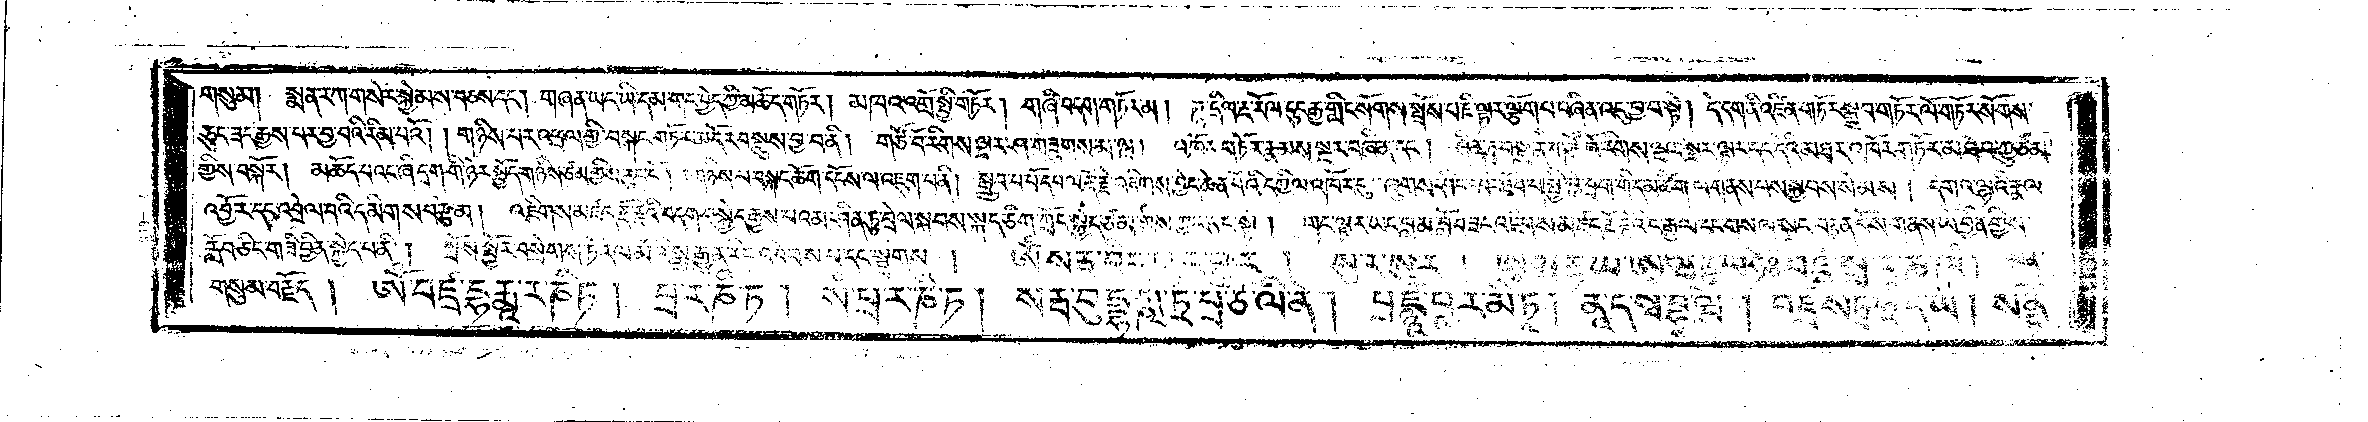གསུམ། སྨན་རག་གསེར་སྐྱེམས་བཅས་དང་། གཞན་ཡང་ཡི་དམ་གང་བྱེད་གྱི་མཆོད་གཏོར་མཁའ་འགྲོ་སྤྱི་གཏོར། གཞི་བདག་གཏོར་མ། ཌཱ་དྲིལ་རྔ་རོལ་དུང་རྒྱ་གླིང་སོགས་སྤྲོས་པ་ཇི་ལྟར་ལྕོག་བ་བཞིན་འདུ་བྱ་བ་སྟེ། དེ་དག་ནི་འཛིན་གཏོར་སྒྲུབ་གཏོར་ལོ་གཏོར་སོགས་
ཅུང་ཟད་རྒྱས་པར་བྱ་བའི་རིམ་པའོ། །གཉིས་པར་འཕྲལ་གྱི་བསྐང་གཏོར་མདོར་བསྡུས་བྱ་བ་ནི། གཙོ་བོ་རིགས་ལྔར་ཤ་གཟུགས་མ་ལྔ། འཁོར་གཏོར་རྣམས་སྔར་བཞིན་དང་། ཤིན་ཏུ་བསྡུ་ན་གཙོ་བོ་རིགས་ལྔར་སྔར་ལྟར་དང་དེའི་མཐར་འཁོར་གཏོར་མཐེབ་ཀྱུ་ཙམ་
གྱིས་བསྐོར། མཆོད་པའང་ཞི་དྲག་གི་ཉེར་སྤྱོད་གཉིས་ཙམ་གྱིས་རུང་ངོ། །གཉིས་པ་བསྐང་ཆོག་དངོས་ལ་འཇུག་པ་ནི། སྒྲུབ་པ་པོ་དཔལ་རྡོ་རྗེ་འཇིགས་བྱེད་ཆེན་པོའི་དཀྱིལ་འཁོར་དུ་ཞུགས་ཤིང་དབང་ཐོབ་པ་སྤྱི་བྱེ་བྲག་གི་དམ་ཚིག་ལ་གནས་པས་སྐྱབས་སེམས། དགའ་ལྷའི་རྣལ་
འབྱོར་དང་འབྲེལ་བའི་དམིགས་བརྩེམ། འཇིགས་མཛད་རྡོ་རྗེའི་བདག་བསྐྱེད་རྒྱས་པའམ་ཤིན་ཏུ་བྲེལ་སྐབས་སྐད་ཅིག་ཀྲོང་སྐྱེད་ཙམ་གྱིས་ཀྱང་རུང་སྟེ། གང་ལྟར་ཡང་བླ་མ་བློ་བཟང་འཇིགས་མཛད་རྡོ་རྗེའི་ང་རྒྱལ་དང་གསལ་སྣང་བརྟན་པོས་གནས་ཡོ་བྱིན་གྱིས་
རློབ་ཅིང་གཟི་བྱིན་སྐྱེད་པ་ནི། སྤོས་སྦྱོར་བསྲེགས་ཏེ་རོལ་མོའི་སྒྲ་རྒྱུན་རིང་འབེབས་པ་དང་སྦྲགས། ཨོཾ་སརྦ་བིད་པཱུ་ར་པཱུ་ར། སུ་ར་སུ་ར། ཨཱ་ཝ་རྟ་ཡ་ཨཱ་ཝརྟ་ཡ་ཧོཿ བཛྲ་སྥ་ར་ཎ་ཁཾ། ལན་
གསུམ་བརྗོད། ཨོཾ་བཛྲ་དྷརྨཱ་ར་ཎི་ཏ། པྲ་ར་ཎི་ཏ། སཾ་པྲ་ར་ཎི་ཏ། སརྦ་བུདྡྷ་ཀྵེ་ཏྲ་པྲ་ཙ་ལི་ནེ། པྲ་ཛྙཱ་པཱ་ར་མི་ཏཱ། ནཱ་ད་སྭ་བྷཱ་ཝེ། བཛྲ་སཏྭ་ཧྲྀ་ད་ཡ། སནྟོ་